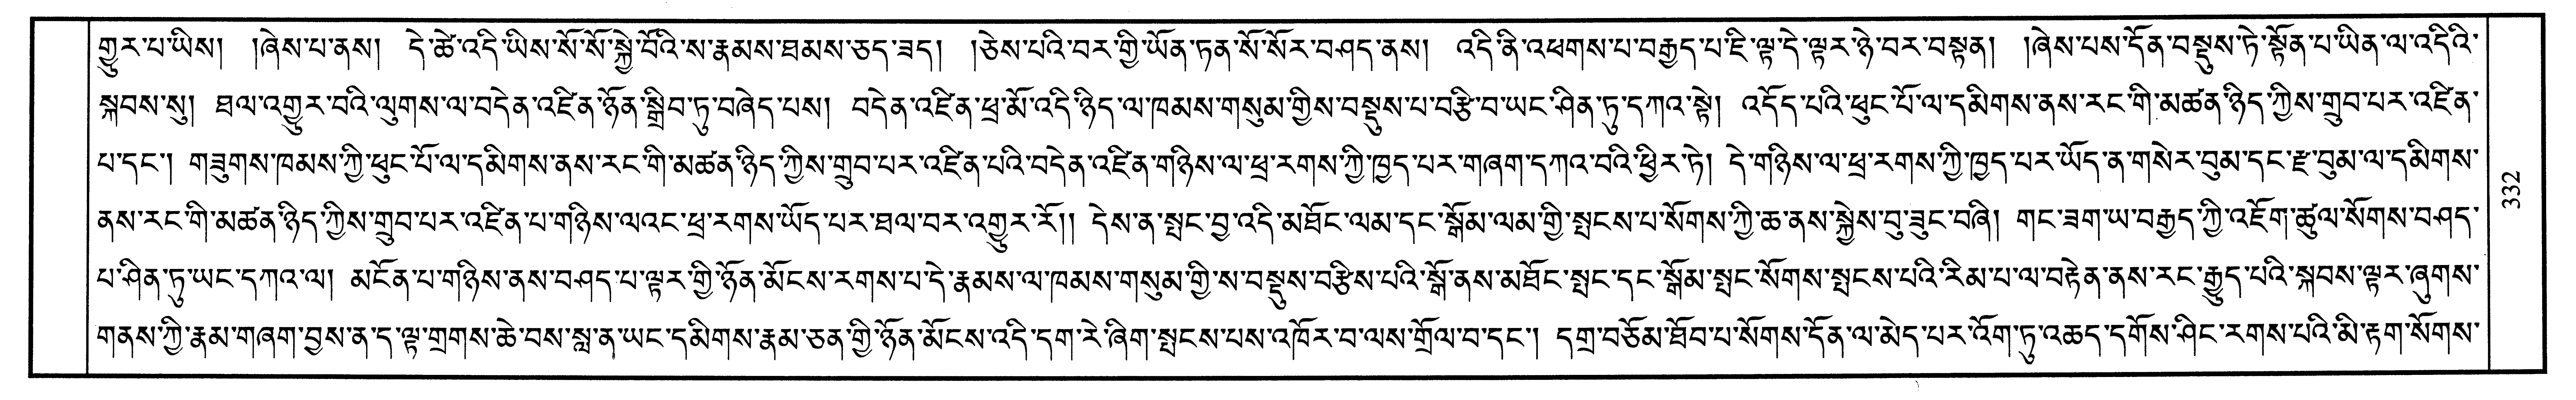གྱུར་པ་ཡིས། །ཞེས་པ་ནས། དེ་ཚེ་འདི་ཡིས་སོ་སོ་སྐྱེ་བོའི་ས་རྣམས་ཐམས་ཅད་ཟད། །ཅེས་པའི་བར་གྱི་ཡོན་ཏན་སོ་སོར་བཤད་ནས། འདི་ནི་འཕགས་པ་བརྒྱད་པ་ཇི་ལྟ་དེ་ལྟར་ཉེ་བར་བསྟན། །ཞེས་པས་དོན་བསྡུས་ཏེ་སྟོན་པ་ཡིན་ལ་འདིའི་
སྐབས་སུ། ཐལ་འགྱུར་བའི་ལུགས་ལ་བདེན་འཛིན་ཉོན་སྒྲིབ་ཏུ་བཞེད་པས། བདེན་འཛིན་ཕྲ་མོ་འདི་ཉིད་ལ་ཁམས་གསུམ་གྱིས་བསྡུས་པ་བརྩི་བ་ཡང་ཤིན་ཏུ་དཀའ་སྟེ། འདོད་པའི་ཕུང་པོ་ལ་དམིགས་ནས་རང་གི་མཚན་ཉིད་ཀྱིས་གྲུབ་པར་འཛིན་
པ་དང་། གཟུགས་ཁམས་ཀྱི་ཕུང་པོ་ལ་དམིགས་ནས་རང་གི་མཚན་ཉིད་ཀྱིས་གྲུབ་པར་འཛིན་པའི་བདེན་འཛིན་གཉིས་ལ་ཕྲ་རགས་ཀྱི་ཁྱད་པར་གཞག་དཀའ་བའི་ཕྱིར་ཏེ། དེ་གཉིས་ལ་ཕྲ་རགས་ཀྱི་ཁྱད་པར་ཡོད་ན་གསེར་བུམ་དང་རྫ་བུམ་ལ་དམིགས་
ནས་རང་གི་མཚན་ཉིད་ཀྱིས་གྲུབ་པར་འཛིན་པ་གཉིས་ལའང་ཕྲ་རགས་ཡོད་པར་ཐལ་བར་འགྱུར་རོ།། དེས་ན་སྤང་བྱ་འདི་མཐོང་ལམ་དང་སྒོམ་ལམ་གྱི་སྤངས་པ་སོགས་ཀྱི་ཆ་ནས་སྐྱེས་བུ་ཟུང་བཞི། གང་ཟག་ཡ་བརྒྱད་ཀྱི་འཇོག་ཚུལ་སོགས་བཤད་པ་ཤིན་ཏུ་ཡང་
དཀའ་ལ། མངོན་པ་གཉིས་ནས་བཤད་པ་ལྟར་གྱི་ཉོན་མོངས་རགས་པ་དེ་རྣམས་ལ་ཁམས་གསུམ་གྱི་ས་བསྡུས་བརྩིས་པའི་སྒོ་ནས་མཐོང་སྤང་དང་སྒོམ་སྤང་སོགས་སྤངས་པའི་རིམ་པ་ལ་བརྟེན་ནས་རང་རྒྱུད་པའི་སྐབས་ལྟར་ཞུགས་
གནས་ཀྱི་རྣམ་གཞག་བྱས་ན་ད་ལྟ་གྲགས་ཆེ་བས་སླ་ན་ཡང་དམིགས་རྣམ་ཅན་གྱི་ཉོན་མོངས་འདི་དག་རེ་ཞིག་སྤངས་པས་འཁོར་བ་ལས་གྲོལ་བ་དང་། དགྲ་བཅོམ་ཐོབ་པ་སོགས་དོན་ལ་མེད་པར་འོག་ཏུ་འཆད་དགོས་ཤིང་རགས་པའི་མི་རྟག་སོགས་